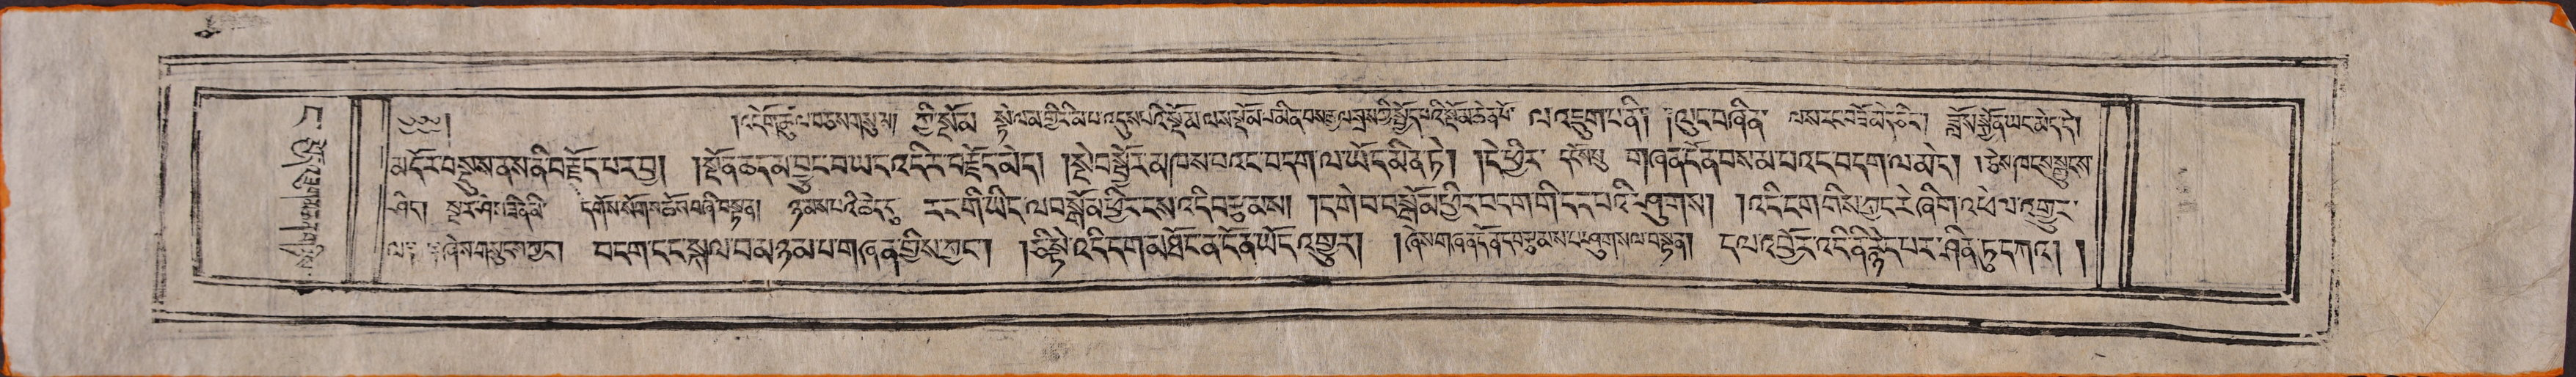༄༅༅། །འཇོག་ཚུལ་བཅས་གསུམ། ཀྱི་སྡོམ་སྟེ་ལམ་གྱི་རིམ་པ་འདུས་པའི་སྡོམ་ལས་སྡོམ་པ་མིན་པས་རྒྱལ་སྲས་ཀྱི་སྤྱོད་པའི་སྡོམ་ཆེན་པོ་ལ་འཇུག་པ་ནི། །ལུང་བཞིན་ལས་རང་བཟོ་མེད་ཅིང་། ཟློས་སྐྱོན་ཡང་མེད་དེ།
མདོར་བསྡུས་ནས་ནི་བརྗོད་དགོས་སོགས་ཆོས་བཞི་བསྟན།  པར་བྱ། །སྔོན་ཆད་མ་བྱུང་བ་ཡང་འདིར་བརྗོད་མེད། །སྡེབ་སྦྱོར་མཁས་པའང་བདག་ལ་ཡོད་མིན་ཏེ། །དེ་ཕྱིར་དངོས་སུ་གཞན་དོན་བསམ་པའང་བདག་ལ་མེད། །ཅེས་ཁངས་སྐྱུངས་
ཤིང༑ སྔར་ཤེས་ཟིན་མི་ཉམས་པའི་ཆེད་དུ་རང་གི་ཡིད་ལ་བསྒོམ་ཕྱིར་ངས་འདི་བརྩམས། །དགེ་བ་བསྒོམ་ཕྱིར་བདག་གི་དད་པའི་ཤུགས། །འདི་དག་གིས་ཀྱང་རེ་ཞིག་འཕེལ་འགྱུར་
ལ༑ ༑ཞེས་གསུངས་ཀྱང་།  བདག་དང་སྐལ་བ་མཉམ་པ་གཞན་གྱིས་ཀྱང་། །ཅི་སྟེ་འདི་དག་མཐོང་ན་དོན་ཡོད་འགྱུར། །ཞེས་གཞན་དོན་དུ་བརྩམས་བ་ཤུགས་ལ་བསྟན། དལ་འབྱོར་འདི་ནི་རྙེད་པར་ཤིན་ཏུ་དཀའ། །